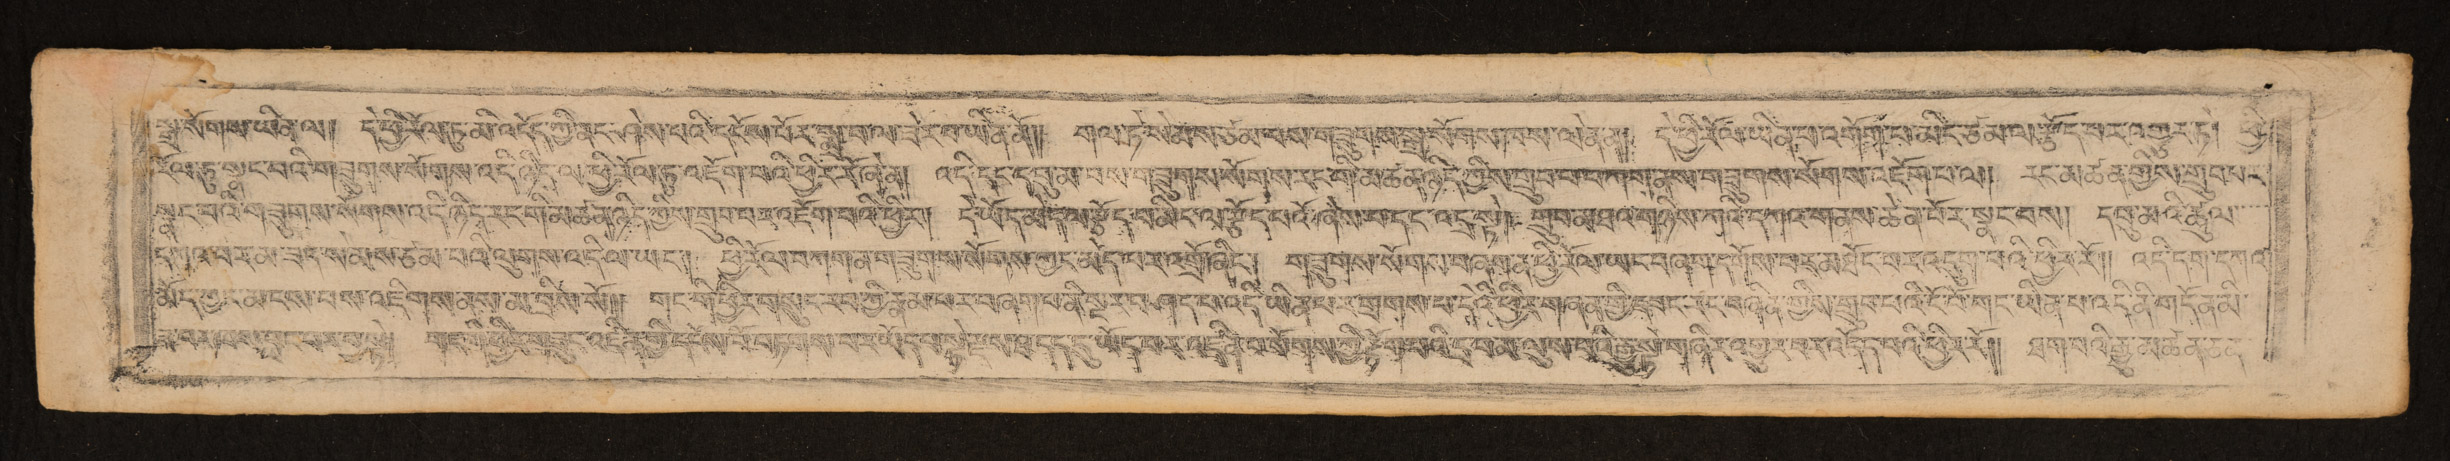སྒྲ་སོགས་ཡིན་ལ། དེ་ཕྱི་རོལ་ཏུ་མི་འདོད་ཀྱི་ནང་ཤེས་པའི་དངོས་པོར་སྨྲ་བ་ལ་ཟེར་བ་ཡིན་ནོ།། གལ་ཏེ་སེམས་ཙམ་པས་གཟུགས་སྒྲ་སོགས་ཁས་ལེན་ན། དེ་ཕྱི་རོལ་ཡིན་པ་འགོག་པ་མིང་ཙམ་ལ་རྩོད་པར་འགྱུར་ཏེ། ཕྱི་
རོལ་ཏུ་སྣང་བའི་གཟུགས་སོགས་འདི་ཉིད་ལ་ཕྱི་རོལ་ཏུ་འཇོག་པའི་ཕྱིར་རོ་ཞེ་ན། འདི་དང་དབུ་མ་པས་གཟུགས་སོགས་རང་གི་མཚན་ཉིད་ཀྱིས་གྲུབ་པ་བཀག་ནས་གཟུགས་སོགས་འཇོག་པ་ལ། རང་མཚན་གྱིས་གྲུབ་པར་
སྣང་བའི་གཟུགས་སོགས་འདི་ཉིད་རང་གི་མཚན་ཉིད་ཀྱིས་གྲུབ་པར་འཇོག་པའི་ཕྱིར། དེ་ཡོད་མེད་ལ་རྩོད་པ་མེད་ལ་རྩོད་པའོ་ཞེས་པ་དང་འདྲ་སྟེ། གྲུབ་མཐའ་གཉིས་ཀའི་དཀའ་གནས་ཆེན་པོར་སྣང་བས། དབུ་མའི་ཚུལ་
དཀའ་བར་མ་ཟད་སེམས་ཙམ་པའི་ལུགས་འདི་ལ་ཡང་། ཕྱི་རོལ་བཀག་ན་གཟུགས་སོགས་ཀྱང་མེད་པར་འགྲོ་ཞིང་། གཟུགས་སོགས་བཞག་ན་ཕྱི་རོལ་ཡང་བཞག་དགོས་པར་མཐོང་བར་འདུག་པའི་ཕྱིར་རོ།། འདི་དག་དཀའ་
མོད་ཀྱང་མངས་པས་འཇིགས་ནས་མ་བྲིས་སོ།། གང་གི་ཕྱིར་གསུང་རབ་ཀྱི་རྣམ་པར་བཞག་པ་ནི་སྔར་བཤད་པ་འདི་ཡིན་པར་གྲགས་པ་དེའི་ཕྱིར་གཞན་གྱི་དབང་རང་བཞིན་གྱིས་གྲུབ་པའི་ངོ་བོ་གང་ཡིན་པ་འདི་ནི་གདོན་མི་
ཟ་བར་ཁས་བླང་བར་བྱ་སྟེ། གང་གི་ཕྱིར་གཟུང་འཛིན་གྱི་དངོས་པོ་བཏགས་པར་ཡོད་པ་སྟེ་རྫས་ཐ་དད་དུ་ཡོད་པར་འཛིན་པ་སོགས་ཀྱི་རྟོག་པའི་དྲ་བ་མ་ལུས་པའི་རྒྱུ་སྟེ་གཞིར་འགྱུར་བར་འདོད་པའི་ཕྱིར་རོ།། ཐག་པའི་རྒྱུ་མཚན་ཅན་